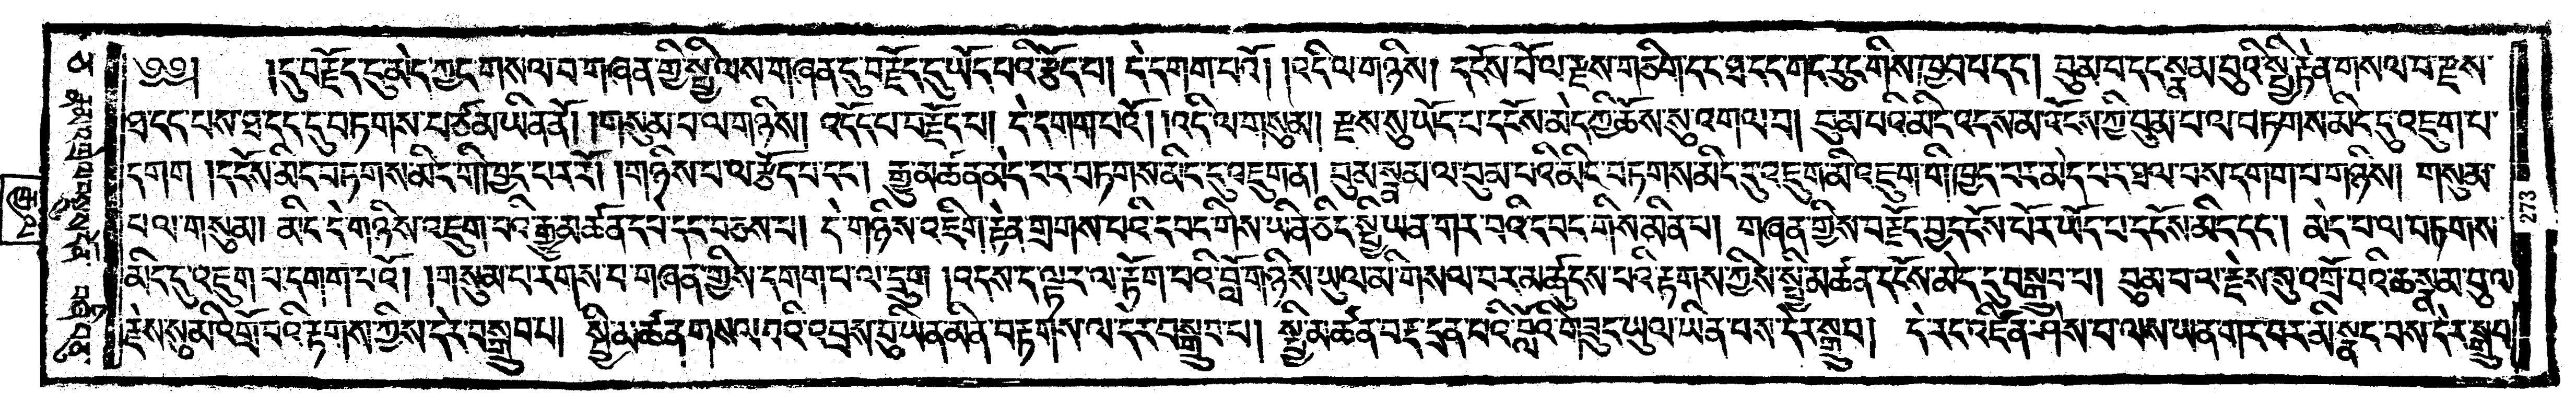༄༅། །དུ་བརྗོད་དུ་མེད་ཀྱང་གསལ་བ་གཞན་གྱི་སྤྱི་ལས་གཞན་དུ་བརྗོད་དུ་ཡོད་པའི་རྩོད་པ། དེ་དགག་པའོ། །འདི་ལ་གཉིས། དངོས་པོ་ལ་རྫས་གཅིག་དང་ཐ་དད་གང་རུང་གིས་ཁྱབ་པ་དང་། བུམ་པ་དང་སྣམ་བུའི་སྤྱི་རྟེན་གསལ་བ་རྫས་
ཐ་དད་པས་ཐ་དད་དུ་བཏགས་པ་ཙམ་ཡིན་ནོ། །གསུམ་པ་ལ་གཉིས། འདོད་པ་བརྗོད་པ། དེ་དགག་པའོ། །འདི་ལ་གསུམ། རྫས་སུ་ཡོད་པ་དངོས་མེད་ཀྱི་ཆོས་སུ་འགལ་བ། བུམ་པའི་མིང་འདས་མ་འོངས་ཀྱི་བུམ་པ་ལ་བཏགས་མིང་དུ་འཇུག་པ་
དགག །དངོས་མིང་བཏགས་མིང་གི་ཁྱད་པར་རོ། །གཉིས་པ་ལ་རྩོད་པ་དང་། རྒྱུ་མཚན་མེད་པར་བཏགས་མིང་དུ་འཇུག་ན། བུམ་སྣམ་ལ་བུམ་པའི་མིང་བཏགས་མིང་དུ་འཇུག་མི་འཇུག་གི་ཁྱད་པར་མེད་པར་ཐལ་བས་དགག་པ་གཉིས། གསུམ་
པ་ལ་གསུམ། མིང་དེ་གཉིས་འཇུག་པའི་རྒྱུ་མཚན་དཔེ་དང་བཅས་པ། དེ་གཉིས་འཇིག་རྟེན་གྲགས་པའི་དབང་གིས་ཡིན་ཅིང་སྤྱི་ཡན་གར་བའི་དབང་གིས་མིན་པ། གཞན་གྱིས་བརྗོད་བྱ་དངོས་པོར་ཡོད་པ་དངོས་མིང་དང་། མེད་པ་ལ་བཏགས་
མིང་དུ་འཇུག་པ་དགག་པའོ། །གསུམ་པ་རགས་པ་གཞན་གྱིས་དགག་པ་ལ་དྲུག །འདས་ད་ལྟར་ལ་རྟོག་པའི་བློ་གཉིས་ཡུལ་མི་གསལ་བར་མཚུངས་པའི་རྟགས་ཀྱིས་སྤྱི་མཚན་དངོས་མེད་དུ་བསྒྲུབ་པ། བུམ་པ་ལ་རྗེས་སུ་འགྲོ་བའི་ཆ་སྣམ་བུ་ལ་
རྗེས་སུ་མི་འགྲོ་བའི་རྟགས་ཀྱིས་དེར་བསྒྲུབ་པ། སྤྱི་མཚན་གསལ་བའི་འབྲས་བུ་ཡིན་མིན་བརྟགས་ལ་དེར་བསྒྲུབ་པ། སྤྱི་མཚན་བརྡ་དྲན་པའི་བློའི་གཟུང་ཡུལ་ཡིན་པས་དེར་སྒྲུབ། དེ་རང་འཛིན་ཤེས་པ་ལས་ཡན་གར་བར་མི་སྣང་བས་དེར་སྒྲུབ་